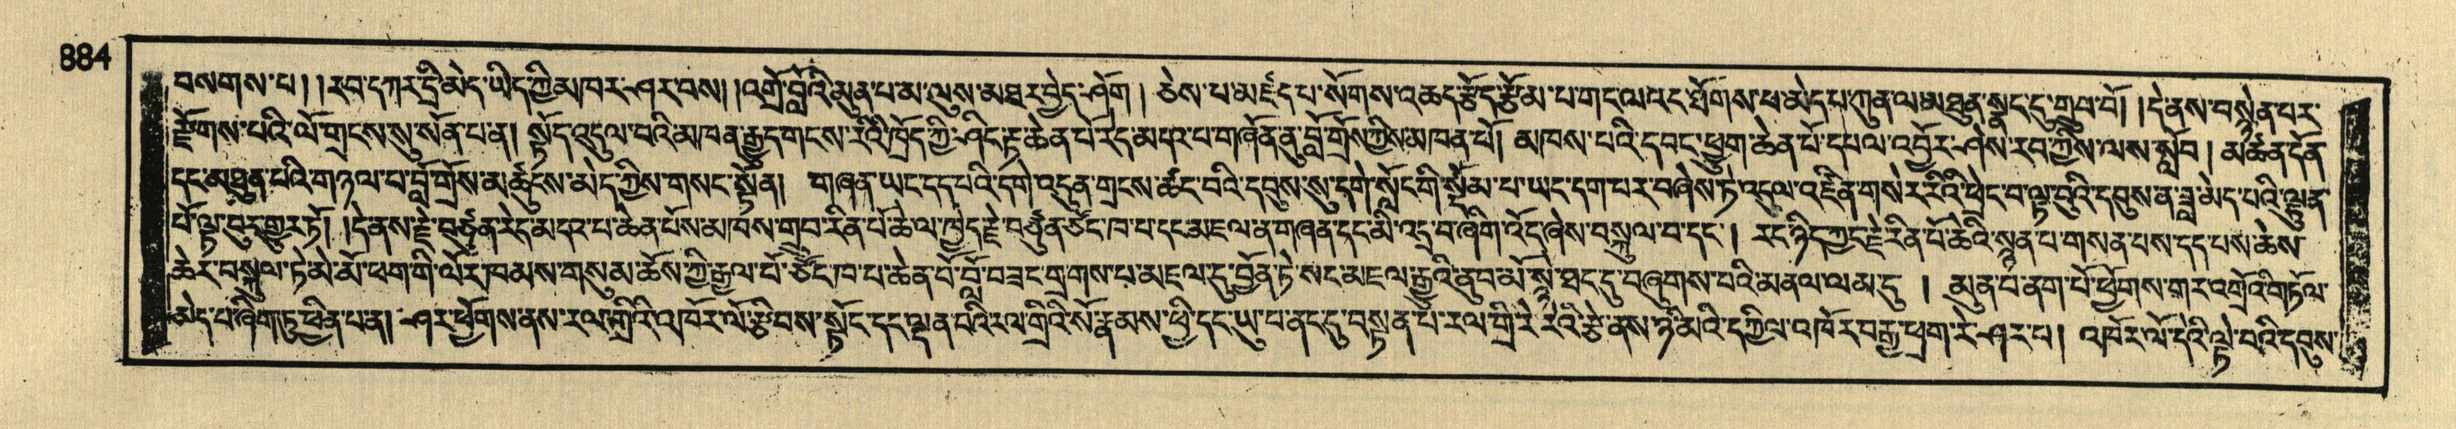བསགས་པ། །རབ་དཀར་དྲི་མེད་ཡིད་ཀྱི་མཁར་ཤར་བས། །འགྲོ་བློའི་མུན་པ་མ་ལུས་མཐར་བྱེད་ཤོག། ཅེས་པ་མཛད་པ་སོགས་འཆད་རྩོད་རྩོམ་པ་གང་ལའང་ཐོགས་པ་མེད་པ་ཀུན་ལ་མཐུན་སྣང་དུ་གྲུབ་བོ། །དེ་ནས་བསྙེན་པར་
རྫོགས་པའི་ལོ་གྲངས་སུ་སོན་པ་ན། སྟོད་འདུལ་བའི་མཁན་རྒྱུད་གངས་རིའི་ཁྲོད་ཀྱི་ཤིང་རྟ་ཆེན་པོ་རེད་མདའ་པ་གཞོན་ནུ་བློ་གྲོས་ཀྱིས་མཁན་པོ། མཁས་པའི་དབང་ཕྱུག་ཆེན་པོ་དཔལ་འབྱོར་ཤེས་རབ་ཀྱིས་ལས་སློབ། མཚན་དོན་
དང་མཐུན་པའི་གཉལ་བ་བློ་གྲོས་མཚུངས་མེད་ཀྱིས་གསང་སྟོན། གཞན་ཡང་དད་པའི་དགེ་འདུན་གྲངས་ཚང་བའི་དབུས་སུ་དགེ་སློང་གི་སྡོམ་པ་ཡང་དག་པར་བཞེས་ཏེ་འདུལ་འཛིན་གསེར་རིའི་ཕྲེང་བ་ལྟ་བུའི་དབུས་ན་ཟླ་མེད་པའི་ལྷུན་
པོ་ལྟ་བུར་གྱུར་ཏོ། །དེ་ནས་རྗེ་བཙུན་རེད་མདའ་པ་ཆེན་པོས་མཁས་གྲུབ་རིན་པོ་ཆེ་ལ་ཁྱེད་རྗེ་བཙུན་ཙོང་ཁ་པ་དང་མཇལ་ན་གཞན་དང་མི་འདྲ་བ་ཞིག་འོད་ཞེས་བསྐུལ་བ་དང་། རང་ཉིད་ཀྱང་རྗེ་རིན་པོ་ཆེའི་སྙན་པ་གསན་པས་དད་པས་ཆེས་
ཆེར་བསྐུལ་ཏེ་མེ་མོ་ཕག་གི་ལོར་ཁམས་གསུམ་ཆོས་ཀྱི་རྒྱལ་པོ་ཙོང་ཁ་པ་ཆེན་པོ་བློ་བཟང་གྲགས་པ་མཇལ་རྒྱུའི་ནུབ་མོ་སྙེ་ཐང་དུ་བཞུགས་པའི་མནལ་ལམ་དུ། མུན་བ་ནག་པོ་ཕྱོགས་གར་འགྲོའི་གཏོལ་
མེད་པ་ཞིག་ཏུ་ཕྱིན་པ་ན། ཤར་ཕྱོགས་ནས་རལ་གྲིའི་འཁོར་ལོ་རྩིབས་སྟོང་དང་ལྡན་བའི་རལ་གྲིའི་སོ་རྣམས་ཕྱི་དང་ཡུ་བ་ནང་དུ་བསྟན་པ་རལ་གྲི་རེ་རེའི་རྩེ་ནས་ཉི་མའི་དཀྱིལ་འཁོར་བརྒྱ་ཕྲག་རེ་ཤར་པ། འཁོར་ལོ་དེའི་ལྟེ་བའི་དབུས་